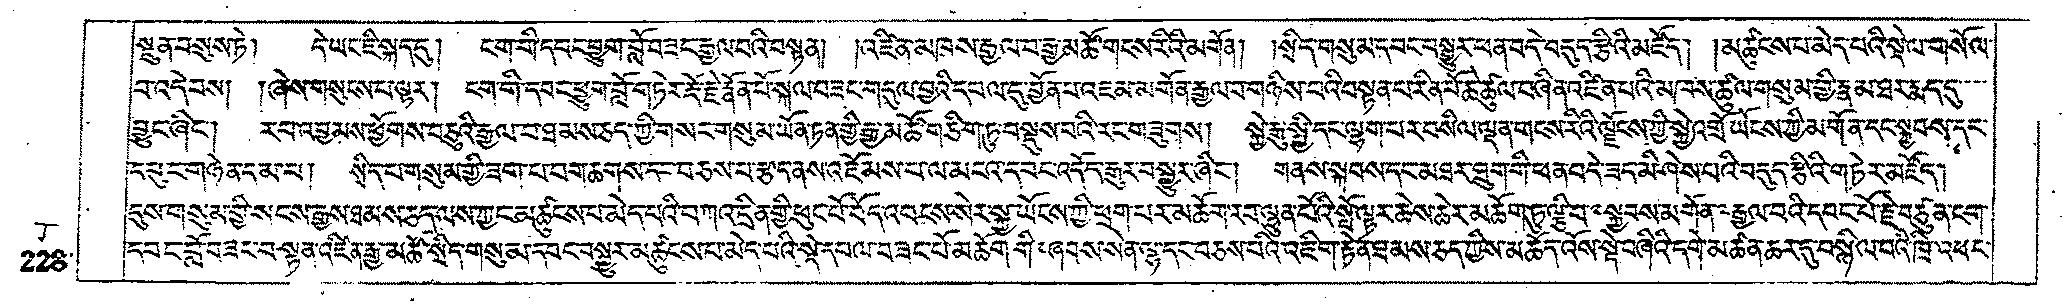སྡུན་བསུས་ཏེ། དེ་ཡང་ཇི་སྐད་དུ། ངག་གི་དབང་ཕྱུག་བློ་བཟང་རྒྱལ་བའི་བསྟན། །འཛིན་མཁས་རྒྱལ་བ་རྒྱ་མཚོ་གངས་རིའི་མགོན། །སྲིད་གསུམ་དབང་བསྒྱུར་ཕན་བདེ་བདུད་རྩིའི་མཛོད། །མཚུངས་པ་མེད་པའི་སྡེ་ལ་གསོལ་
བ་འདེབས། །ཞེས་གསུངས་པ་ལྟར། ངག་གི་དབང་ཕྱུག་བློ་གཏེར་རྡོ་རྗེ་རྣོན་པོ་སྐལ་བཟང་གདུལ་བྱའི་དཔལ་དུ་བྱོན་པ་འཇམ་མགོན་རྒྱལ་བ་གཉིས་པའི་བསྟན་པ་རིན་པོ་ཆེ་ཚུལ་བཞིན་འཛིན་པའི་མཁས་ཚུལ་གསུམ་གྱི་རྣམ་ཐར་རྨད་དུ་་་
བྱུང་ཞིང་། རབ་འབྱམས་ཕྱོགས་བཅུའི་རྒྱལ་བ་ཐམས་ཅད་ཀྱི་གསང་གསུམ་ཡོན་ཏན་གྱི་རྒྱ་མཚོ་གཅིག་ཏུ་བསྡུས་པའི་རང་གཟུགས། སྐྱེ་རྒུ་སྤྱི་དང་ལྷག་པར་བསིལ་ལྡན་གངས་རིའི་ལྗོངས་ཀྱི་སྐྱེ་འགྲོ་ཡོངས་ཀྱི་མགོན་དང་སྐྱབས་དང་
དཔུང་གཉེན་དམ་པ། སྲིད་པ་གསུམ་གྱི་ཟག་པ་བག་ཆགས་དང་བཅས་པ་རྩད་ནས་འཇོམས་པ་ལ་མངའ་དབང་འདོད་རྒུར་བསྒྱུར་ཞིང་། གནས་སྐབས་དང་མཐར་ཐུག་གི་ཕན་བདེ་ཟད་མི་ཤེས་པའི་བདུད་རྩིའི་གཏེར་མཛོད།
དུས་གསུམ་གྱི་སངས་རྒྱས་ཐམས་ཅད་ལས་ཀྱང་མཚུངས་པ་མེད་པའི་བཀའ་དྲིན་གྱི་ཕུང་པོ་བོད་འབངས་སེར་སྐྱ་ཡོངས་ཀྱི་ཕྲག་པར་མཆོག་རབ་ལྷུན་པོའི་སྤོ་ལྟར་ཆེས་ཆེར་མཆོག་ཏུ་ལྕི་བ ༧སྐྱབས་མགོན ༧རྒྱལ་བའི་དབང་པོ་རྗེ་བཙུན་ངག་
དབང་བློ་བཟང་བསྟན་འཛིན་རྒྱ་མཚོ་སྲིད་གསུམ་དབང་བསྒྱུར་མཚུངས་པ་མེད་པའི་སྡེ་དཔལ་བཟང་པོ་མཆོག་གི ༧ཞབས་སེན་ལྷ་དང་བཅས་པའི་འཇིག་རྟེན་ཐམས་ཅད་ཀྱིས་མཆོད་འོས་སྡེ་བཞིའི་དགེ་མཚན་ཆར་དུ་བསྙིལ་བའི་ཁྲི་འཕང་